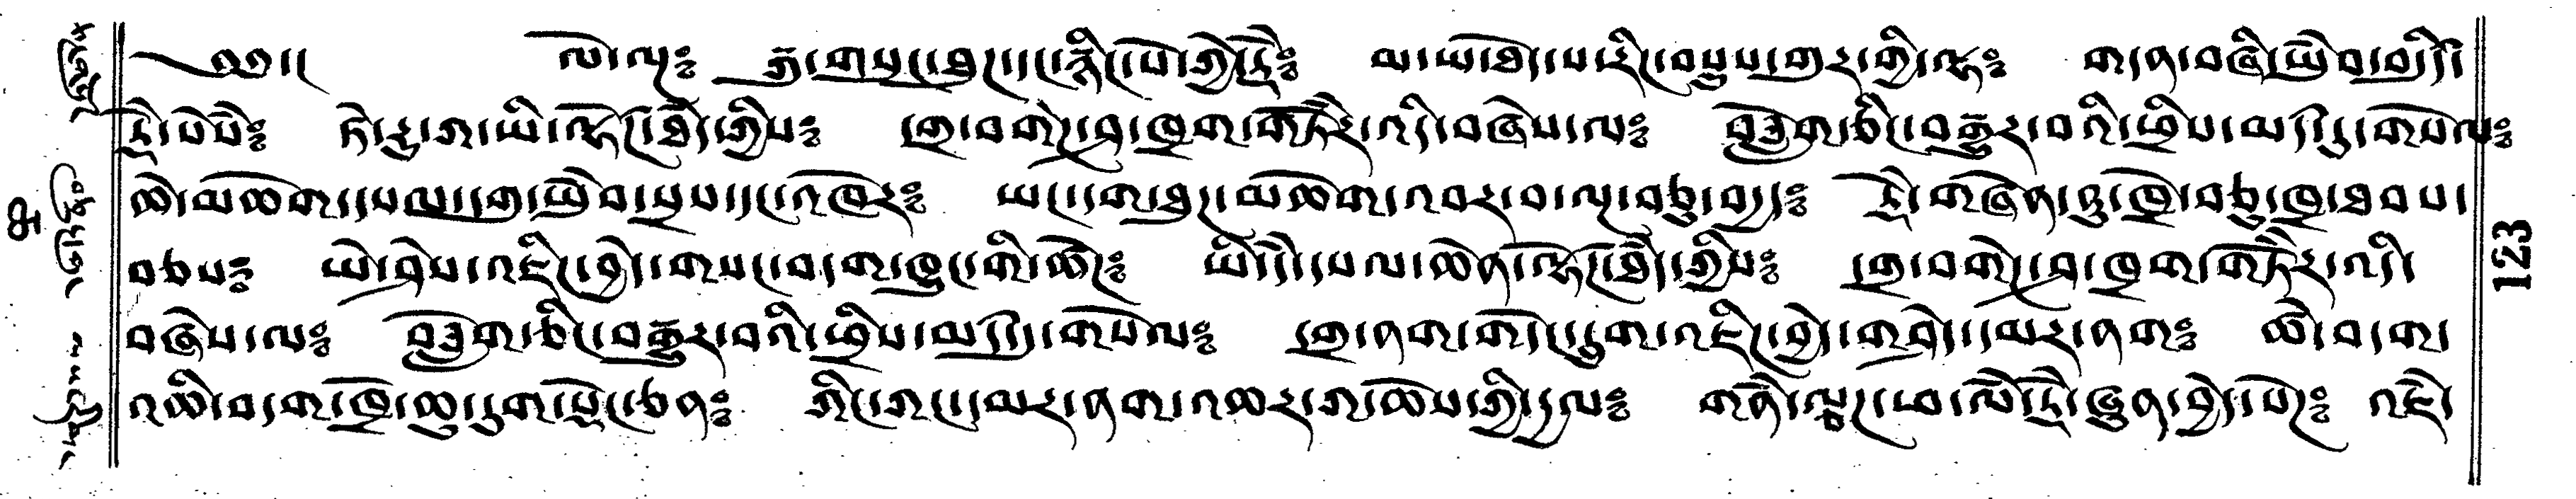ལོ་ལྔ༔ སྐུ་གསུང་ཐུགས་དང་སྙིང་པོ་ཀྱེ་རྡོ་རྗེ༔ མ་ཡ་ཐོད་པ་རིགས་བསྡུས་གུར་གྱི་ལྷཿ གདན་བཞི་ཡབ་ཡུམ་བདུད་རྩི་
རྡོ་རྗེ་སེམས༔ ཧེ་རུ་ཀ་ཡི་ལྷ་ཚོགས་ཐམས་ཅད་ཀྱིས༔ དགྲ་བགེགས་ཤ་ཁྲག་གཏོར་མ་འདི་བཞེས་ལ༔ བཟློག་ཅིང་བསྒྱུར་བའི་ཕྲིན་ལས་མཛད་དུ་གསོལ༔ 
ཆེ་མཆོག་དཔལ་དགུ་ཡབ་ཡུམ་སྲས་དང་འཁོར༔ ཡང་དག་ཐུགས་མཆོག་འབར་བ་ལྔ་བཅུ་བརྒྱད༔ རྡོ་རྗེ་གཞོན་ནུ་ཁྲོ་བཅུ་ཁྲ་ཐབས་
བཅས༔ ཡེ་ཤེས་འཇིགས་བྱེད་གསང་བདག་ཁྱུང་གི་ཚོགས༔ཡི་དམ་དཔལ་ཆེན་ལྷ་ཚོགས་ཐམས་ཅད་ཀྱིས༔ དགྲ་བགེགས་ཤ་ཁྲག་གཏོར་མ་འདི་
བཞེས་ལ༔ བཟློག་ཅིང་བསྒྱུར་བའི་ཕྲིན་ལས་མཛད་དུ་གསོལ༔ དགྲ་ནག་གདོང་དྲུག་འཇིགས་བྱེད་གཤེད་དམར་ནག༔ ཚེ་བདག་
འཆི་བདག་ཁྲོ་ཆུ་དུག་སྡོང་ཅན༔ ཀིང་ཀང་དམར་ནག་འཆར་ཀ་ཆོས་ཀྱི་རྒྱལ༔ གནམ་ལྕགས་ཕ་ལམ་རྡོ་རྗེ་ཞུན་བྱེད་སོགས༔ འཇམ་